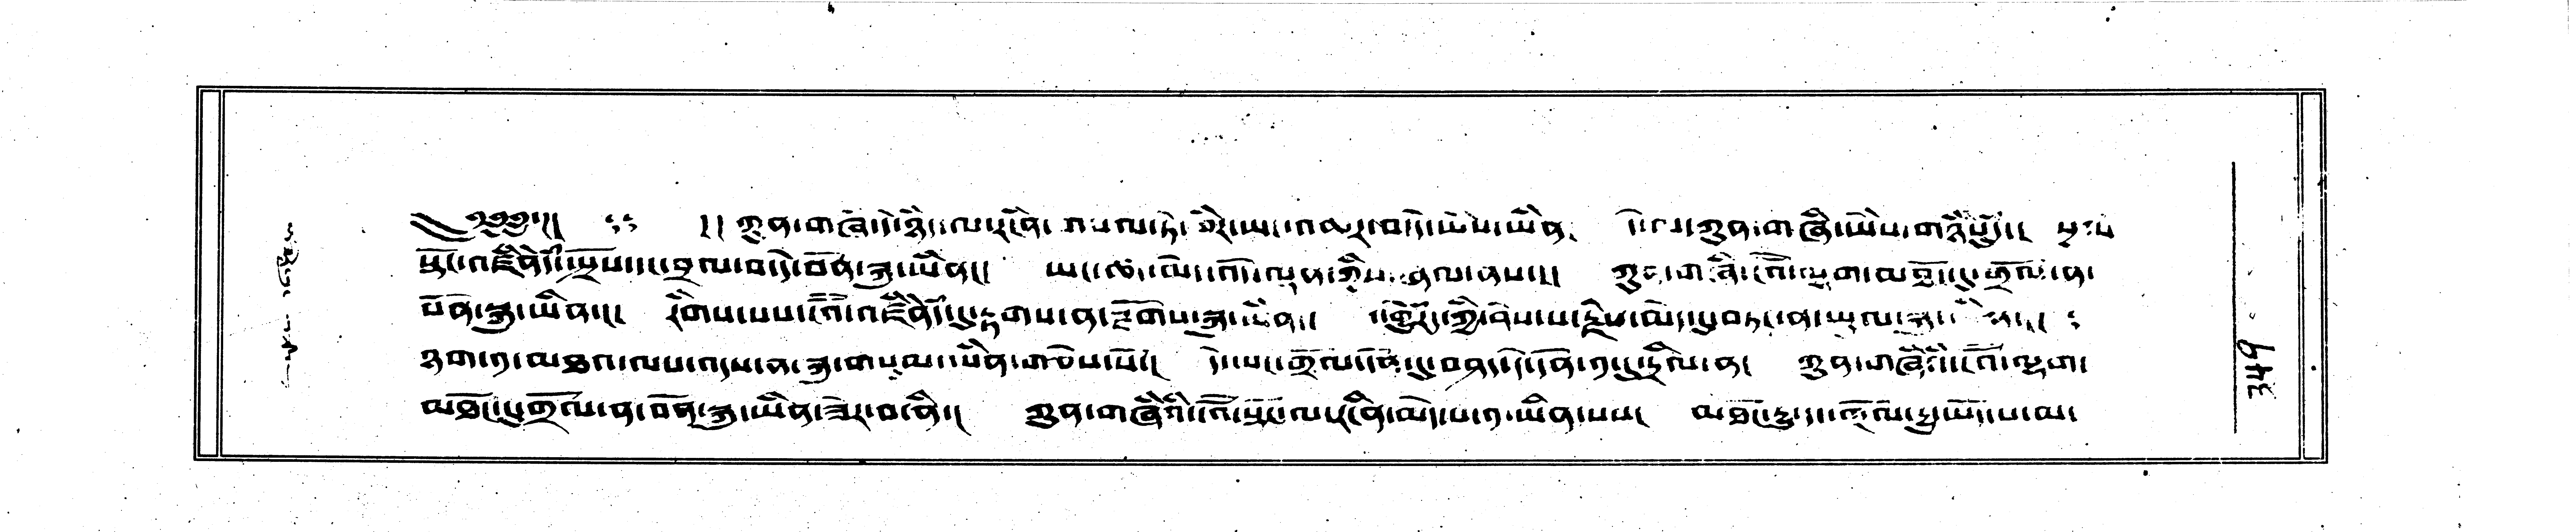ཀུན་གཞི་དེ་ཉིད་ལས་རང་བཞིན་མེད་སྟེ། ཅིར་ཡང་འཆར་བ་དེ་ཡེ་ཤེས་ཡིན། དེ་ལ་ཀུན་གཞི་དང་ཡེ་ཤེས་གཉིས་སུ་མེད་དེ། གསལ་
སྟོང་འཛིན་མེད་སྤྲོས་དང་བྲལ་བ་དེ་བོན་སྐུ་ཡིན་ནོ། ཡང་ཚད་མེད་འོད་ལྡན་གྱིས་ཞལ་ནས། ཀུན་གཞི་ཡི་ངོའོ་ལྷག་མཐོང་དུ་གྲོལ་ན་
བོན་སྐུ་ཡིན། རིག་པའི་ངོའོ་འཛིན་མེད་དུ་རྟོགས་ན་རྫོགས་སྐུ་ཡིན། འགྱུ་བྱེད་ཀྱིས་ཤེས་པ་རྗེས་མེད་དུ་བཏང་ན་སྤྲུལ་སྐུ་ཡིན། 
ཉག་ཅིག་མཐའ་ལས་འདས་ན་སྐུ་གསུམ་ཡིན། ཅེས་གསུངས། དེ་ཡང་བཀྲོལ་དོན་དུ་བཤད་ན། དོན་ཅིག་དུ་”དྲིལ”ན་ ཀུན་གཞིའི་ངོའོ་ལྷག་
མཐོང་དུ་གྲོལ་ན་བོན་སྐུ་ཡིན་ཟེར་བ་ནི། ཀུན་གཞིའི་ངོའོ་སྟོང་པ་རང་བཞིན་མེད་པ་ཅིག་ཡིན་པས། མཐོང་རྒྱུ་དང་གྲོལ་རྒྱུ་ཡོད་པ་མ་